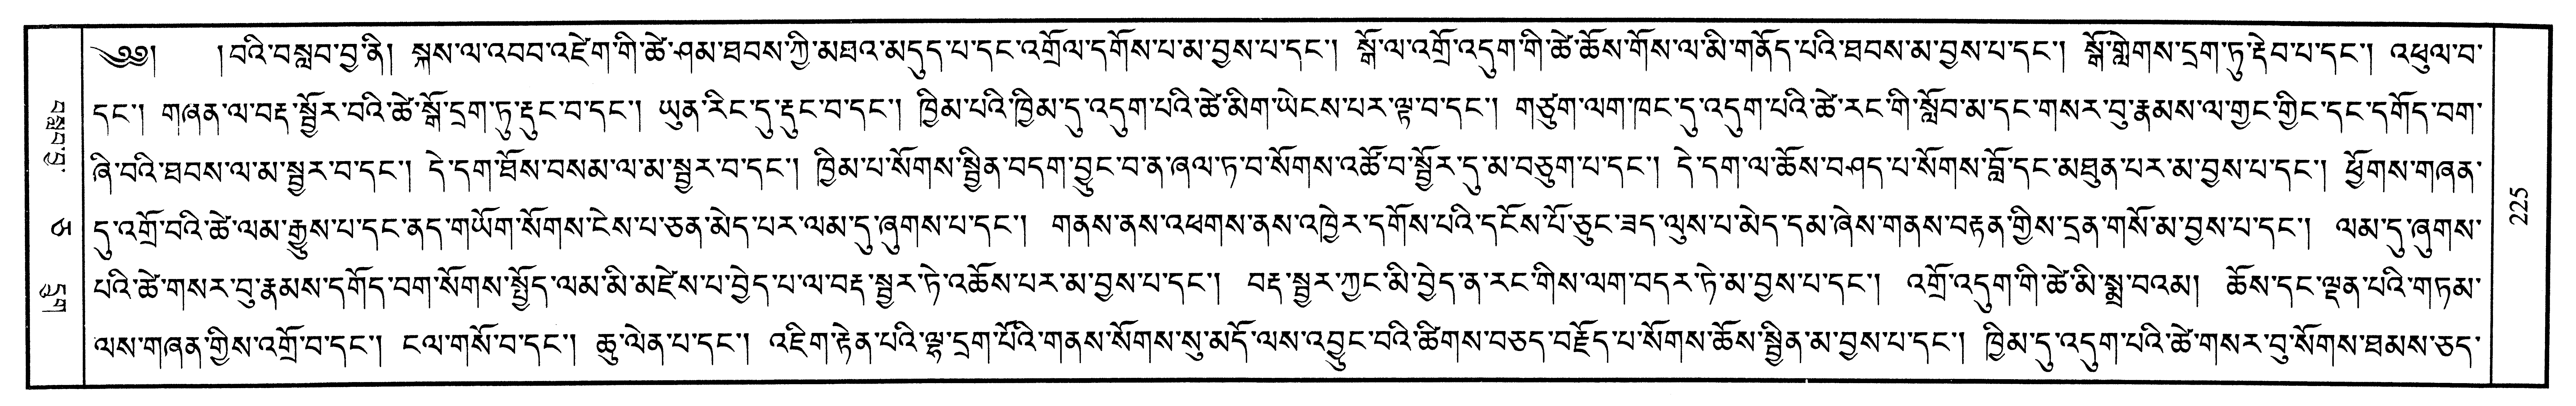༄༅། །བའི་བསླབ་བྱ་ནི། སྐས་ལ་འབབ་འཛེག་གི་ཚེ་ཤམ་ཐབས་ཀྱི་མཐའ་མདུད་པ་དང་འགྲོལ་དགོས་པ་མ་བྱས་པ་དང་། སྒོ་ལ་འགྲོ་འདུག་གི་ཚེ་ཆོས་གོས་ལ་མི་གནོད་པའི་ཐབས་མ་བྱས་པ་དང་། སྒོ་གླེགས་དྲག་ཏུ་རྡེབ་པ་དང་། འཕུལ་བ་
དང་། གཞན་ལ་བརྡ་སྦྱོར་བའི་ཚེ་སྒོ་དྲག་ཏུ་རྡུང་བ་དང་། ཡུན་རིང་དུ་རྡུང་བ་དང་། ཁྱིམ་པའི་ཁྱིམ་དུ་འདུག་པའི་ཚེ་མིག་ཡེངས་པར་ལྟ་བ་དང་། གཙུག་ལག་ཁང་དུ་འདུག་པའི་ཚེ་རང་གི་སློབ་མ་དང་གསར་བུ་རྣམས་ལ་གྱང་གྱིང་དང་དགོད་བག་
ཞི་བའི་ཐབས་ལ་མ་སྦྱར་བ་དང་། དེ་དག་ཐོས་བསམ་ལ་མ་སྦྱར་བ་དང་། ཁྱིམ་པ་སོགས་སྦྱིན་བདག་བྱུང་བ་ན་ཞལ་ཏ་བ་སོགས་འཚོ་བ་སྦྱོར་དུ་མ་བཅུག་པ་དང་། དེ་དག་ལ་ཆོས་བཤད་པ་སོགས་བློ་དང་མཐུན་པར་མ་བྱས་པ་དང་། ཕྱོགས་གཞན་
དུ་འགྲོ་བའི་ཚེ་ལམ་རྒྱུས་པ་དང་ནད་གཡོག་སོགས་ངེས་པ་ཅན་མེད་པར་ལམ་དུ་ཞུགས་པ་དང་། གནས་ནས་འཕགས་ནས་འཁྱེར་དགོས་པའི་དངོས་པོ་ཅུང་ཟད་ལུས་པ་མེད་དམ་ཞེས་གནས་བརྟན་གྱིས་དྲན་གསོ་མ་བྱས་པ་དང་། ལམ་དུ་ཞུགས་
པའི་ཚེ་གསར་བུ་རྣམས་དགོད་བག་སོགས་སྤྱོད་ལམ་མི་མཛེས་པ་བྱེད་པ་ལ་བརྡ་སྦྱར་ཏེ་འཆོས་པར་མ་བྱས་པ་དང་། བརྡ་སྦྱར་ཀྱང་མི་བྱེད་ན་རང་གིས་ལག་བདར་ཏེ་མ་བྱས་པ་དང་། འགྲོ་འདུག་གི་ཚེ་མི་སྨྲ་བའམ། ཆོས་དང་ལྡན་པའི་གཏམ་
ལས་གཞན་གྱིས་འགྲོ་བ་དང་། ངལ་གསོ་བ་དང་། ཆུ་ལེན་པ་དང་། འཇིག་རྟེན་པའི་ལྷ་དྲག་པོའི་གནས་སོགས་སུ་མདོ་ལས་འབྱུང་བའི་ཚིགས་བཅད་བརྗོད་པ་སོགས་ཆོས་སྦྱིན་མ་བྱས་པ་དང་། ཁྱིམ་དུ་འདུག་པའི་ཚེ་གསར་བུ་སོགས་ཐམས་ཅད་